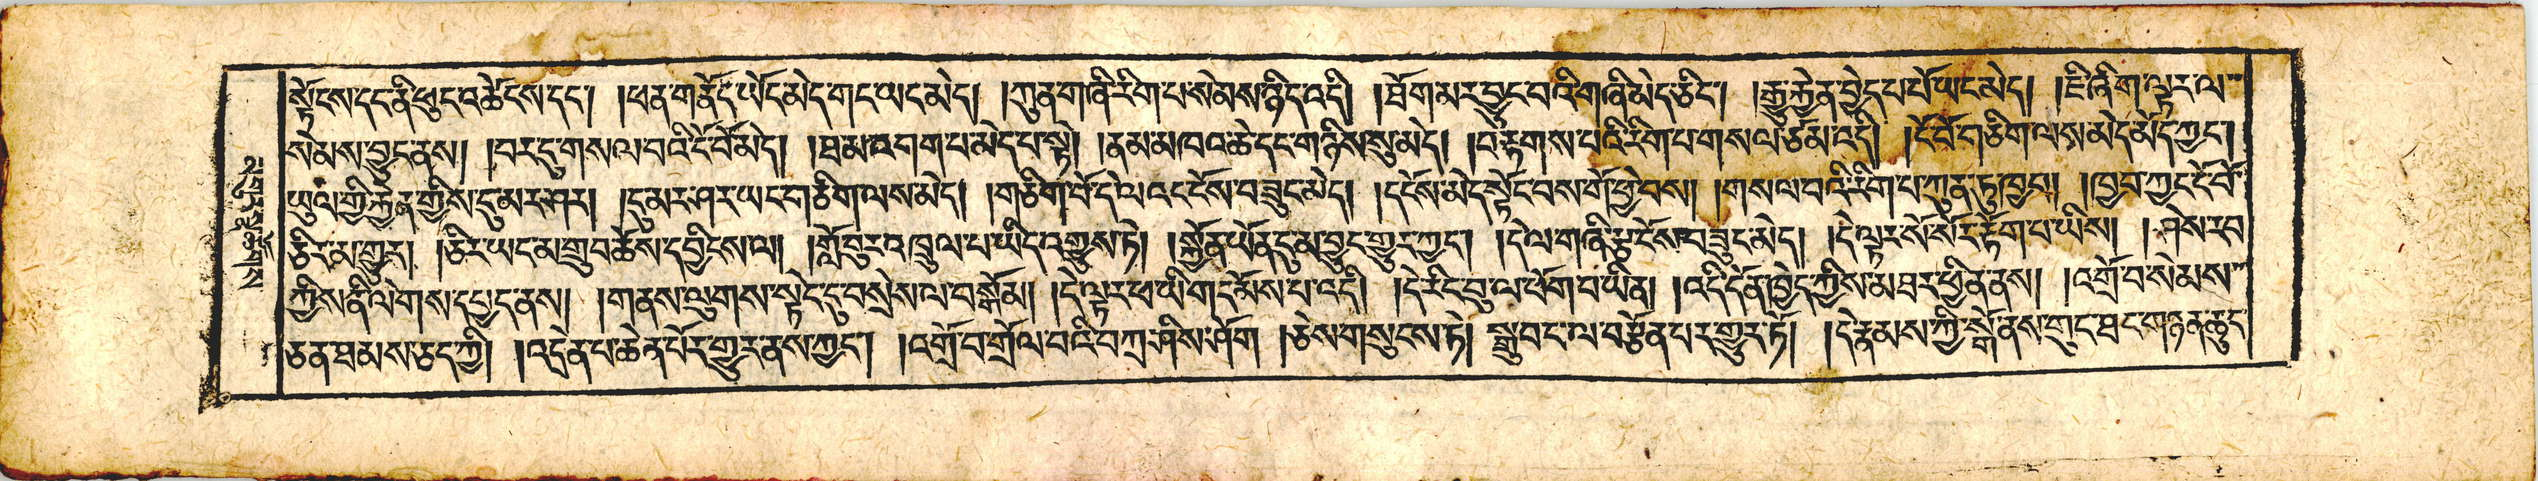སྟོངས་དང་ནི་ཕུང་འཚེངས་དང་། །ཕན་གནོད་ཡོང་མེད་གང་ཡང་མེད། །ཀུན་གཞི་རིག་པ་སེམས་ཉིད་འདི། །ཐོག་མ་བྱུང་བའི་གཞི་མེད་ཅིང་། །རྒྱུ་རྐྱེན་བྱེད་པ་པོ་ཡང་མེད། །ཇི་ཞིག་ལྟར་ལ་
སེམས་བྱུང་ནས། །བར་དུ་གསལ་བའི་ངོ་བོ་མེད། །ཐ་མ་འགག་པ་མེད་པ་སྟེ། །ནམ་མཁའ་ཆེ་དང་གཉིས་སུ་མེད། །བརྟགས་པའི་རིག་པ་གསལ་ཙམ་འདི། །ངོ་བོ་གཅིག་ལས་མེད་མོད་ཀྱང་། །
ཡུལ་གྱི་རྐྱེན་གྱིས་དུ་མར་ཤར། །དུ་མར་ཤར་ཡང་གཅིག་ལས་མེད། །གཅིག་བོ་དེ་ལའང་ངོས་བཟུང་མེད། །དངོས་མེད་སྟོང་པས་གོ་བྱ་བས། །གསལ་བའི་རིག་པ་ཀུན་ཏུ་ཁྱབ། །ཁྱབ་ཀྱང་ངོ་བོ་
ཅིར་མ་གྱུར། །ཅིར་ཡང་མ་གྲུབ་ཆོས་དབྱིངས་ལ། །གློ་བུར་འཁྲུལ་པ་ཡིད་འགྱུས་ཏེ། །སྐྱོན་ཡོན་དུ་མ་བྱུང་གྱུར་ཀྱང་། །དེ་ལ་གཞི་རྩ་ངོས་བཟུང་མེད། །དེ་ལྟར་སོ་སོར་རྟོག་པ་ཡིས། །ཤེས་རབ་
ཀྱིས་ནི་ལེགས་དཔྱད་ནས། །གནས་ལུགས་སྟེང་དུ་བསྲེས་ལ་བསྒོམ། །དེ་ལྟར་ཕ་ཡི་གདམས་པ་འདི། །དེ་རིང་བུ་ལ་ཕོག་པ་ཡིན། །འདི་དོན་བྱེད་ཀྱིས་མཐར་ཕྱིན་ནས། །འགྲོ་བ་སེམས་
ཅན་ཐམས་ཅད་ཀྱི། །འདྲེན་པ་ཆེན་པོར་གྱུར་ནས་ཀྱང་། །འགྲོ་བ་གྲོལ་བའི་བཀྲ་ཤིས་ཤོག །ཅེས་གསུངས་ཏེ། སྒྲུབ་པ་ལ་བརྩོན་པར་གྱུར་ཏོ། །དེ་རྣམས་ཀྱི་སྒོ་ནས་གུང་ཐང་གཉན་ཆུང་